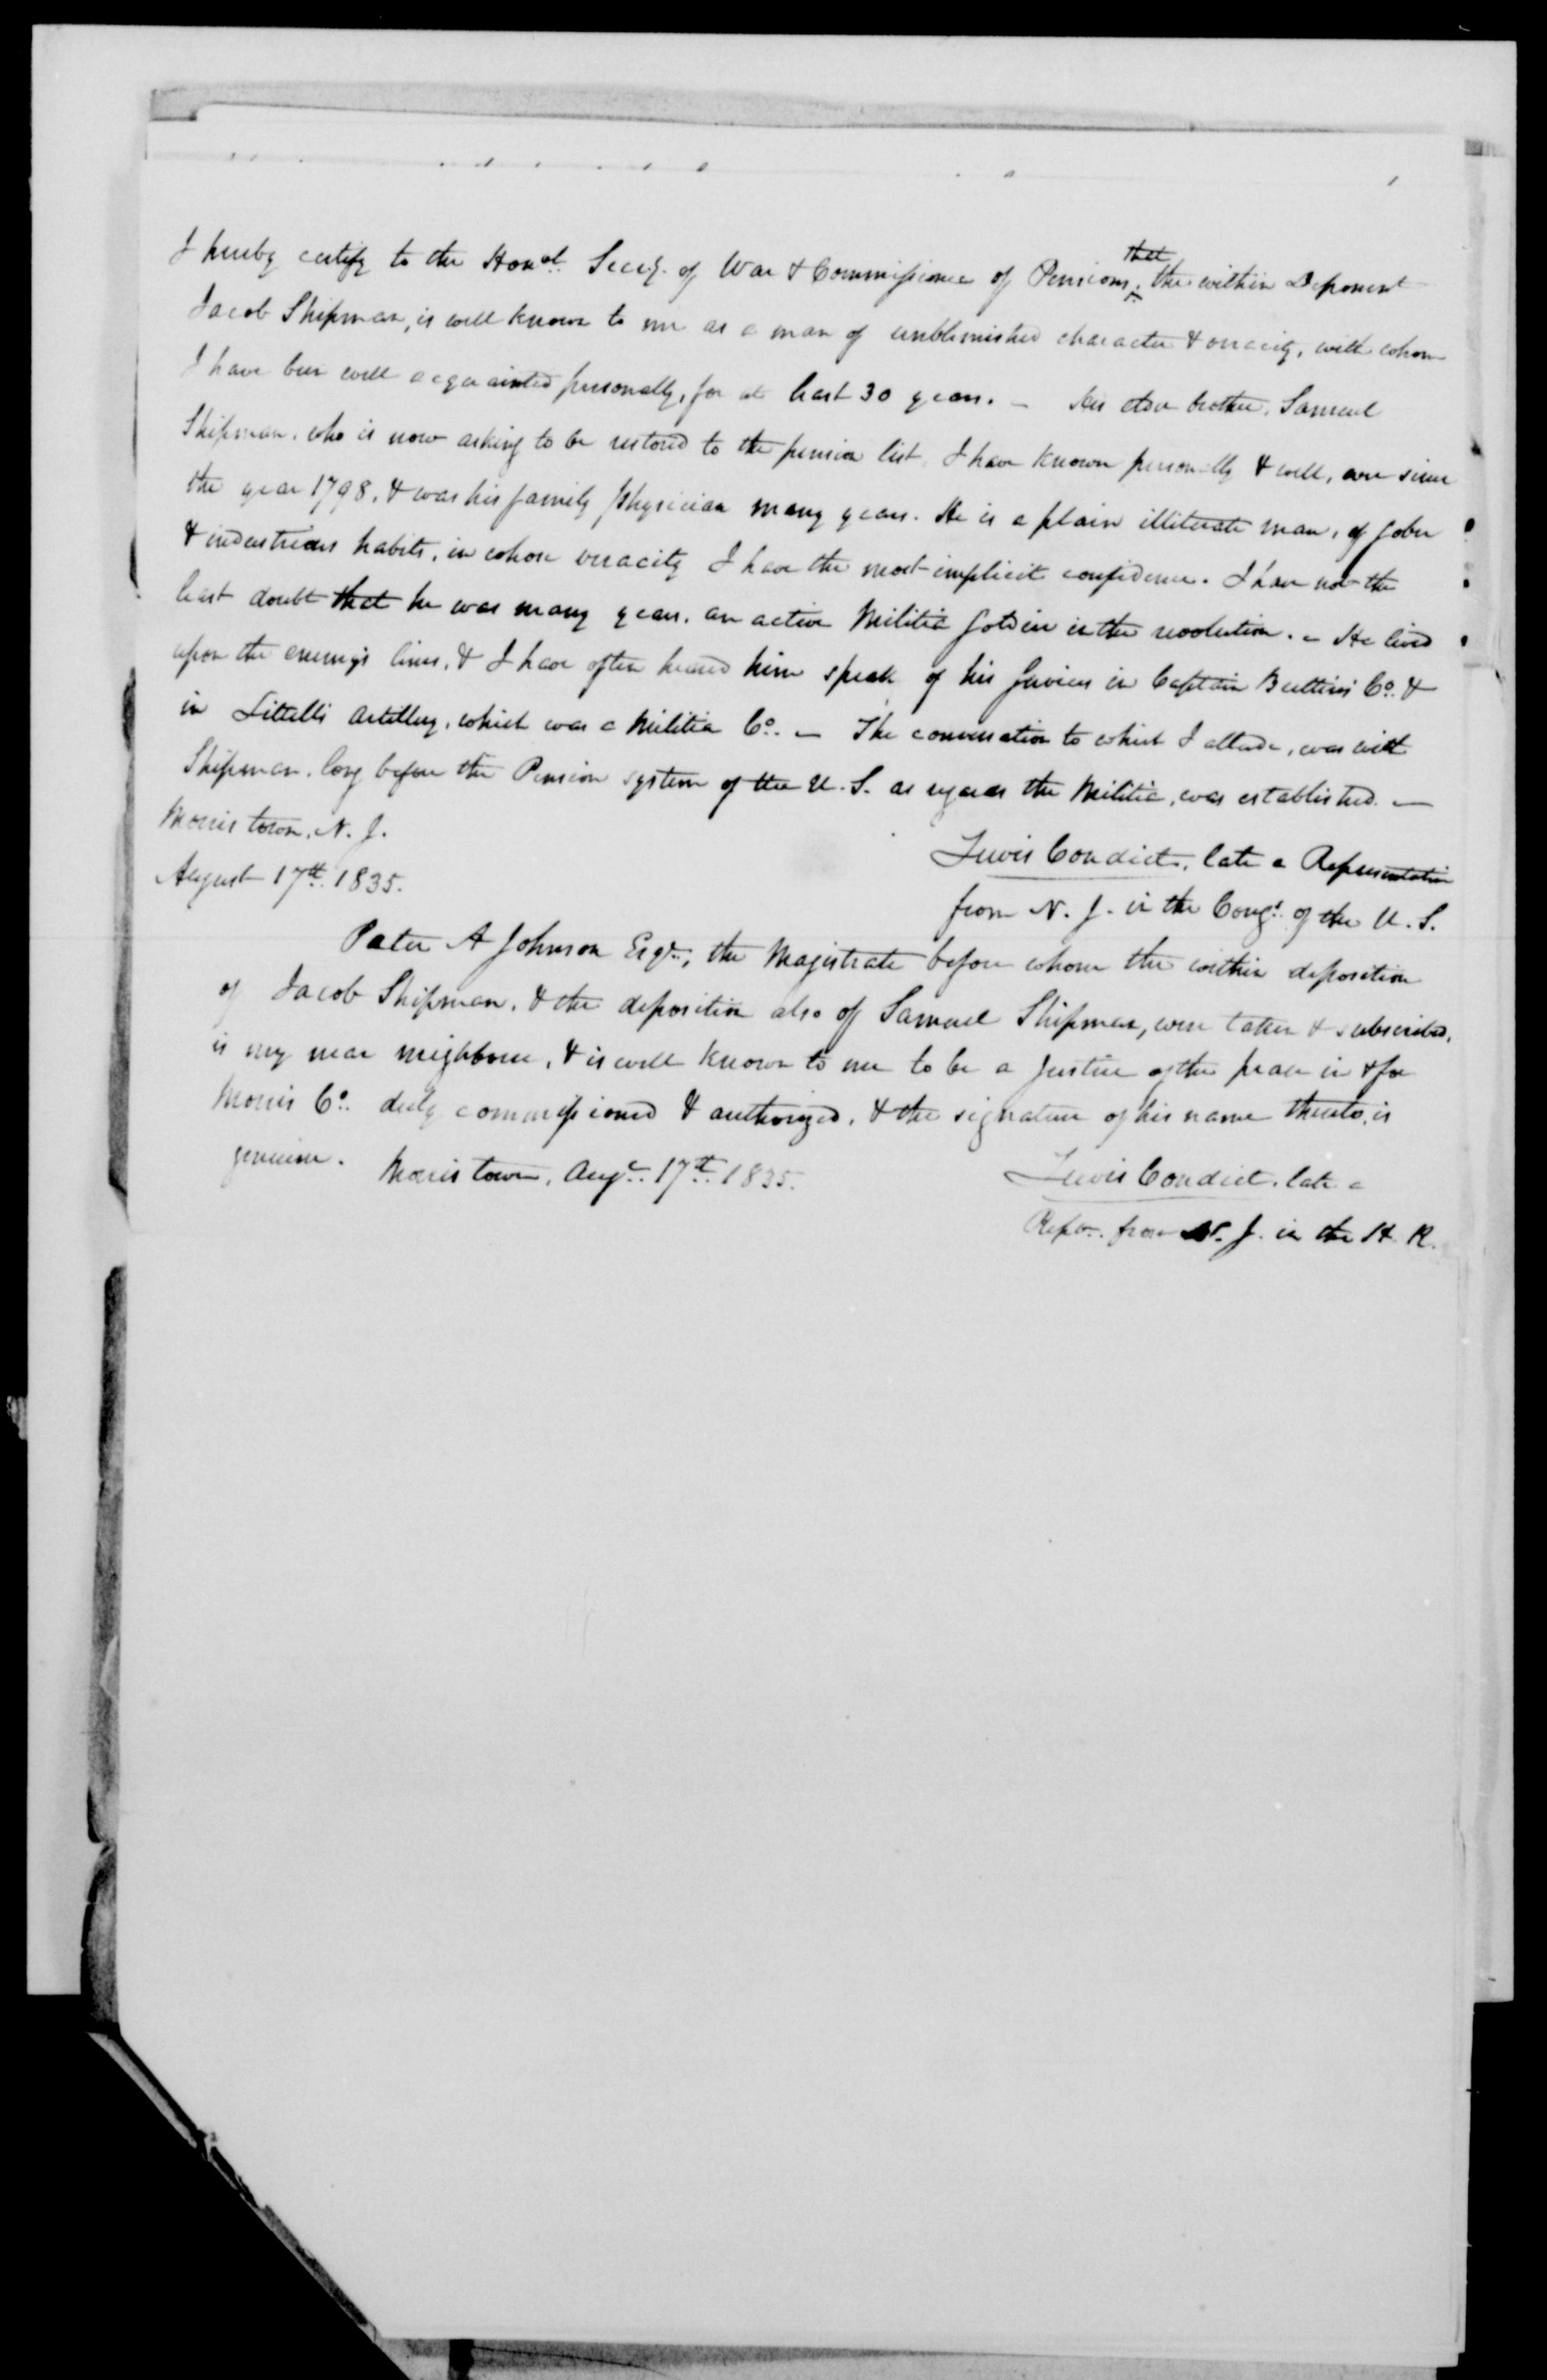I hereby certify to the Honbl. Secry. of War & Commissioner of Pensions that the within Deponent Jacob Shipman, is well known to me as a man of unblemished character & veracity, with whom I have been well acquainted personally, for at least 30 years. His close Brother, Samuel Shipman, who is now asking to be restored to the pension list. I have known personally & well, and since the year 1798, & was his family physician many years. He is a plain illiterate man, of sober & industrious
habits, in whose veracity I have the most implicit confidence. I have not the least doubt that he was many years an active Militia soldier in the revolution. He lived upon the enemy's lines, & I have often heard him speak of his services in Capt Brittin's Co. & in Littell's Artillery, which was a militia Co.- The conversation to which I allude, was with 
Shipman long before the Pension system of the U. S. as regards the Militia, was established.-
Morristown, N.J
August 17th 1835
Lewis Condict, late a Representative
from N.J. in the Congs. of the U.S.

Peter A Johnson Esqr the Magistrate before whom the within deposition of Jacob Shipman, & the deposition also of Samuel Shipman, were taken & subscribed, is my near neighbor, & is well known to me to be a Justice of the peace in & for Morris Co. duly commissioned & authorized, & the signature of his name thereto is genuine.
Morristown, Augt 17th 1835.
Lewis Condict, late
Reprt. from N.J. in the H. R.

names: Peter A Johnson; [BLANK] Littell; Lewis Condict; Jacob Shipman; [BLANK] Shipman; Samuel Shipman; Samuel Shipman; Jacob Shipman; Lewis Condict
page: 44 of 44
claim: survivor's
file: S. 912, for Samuel Shipman, New Jersey